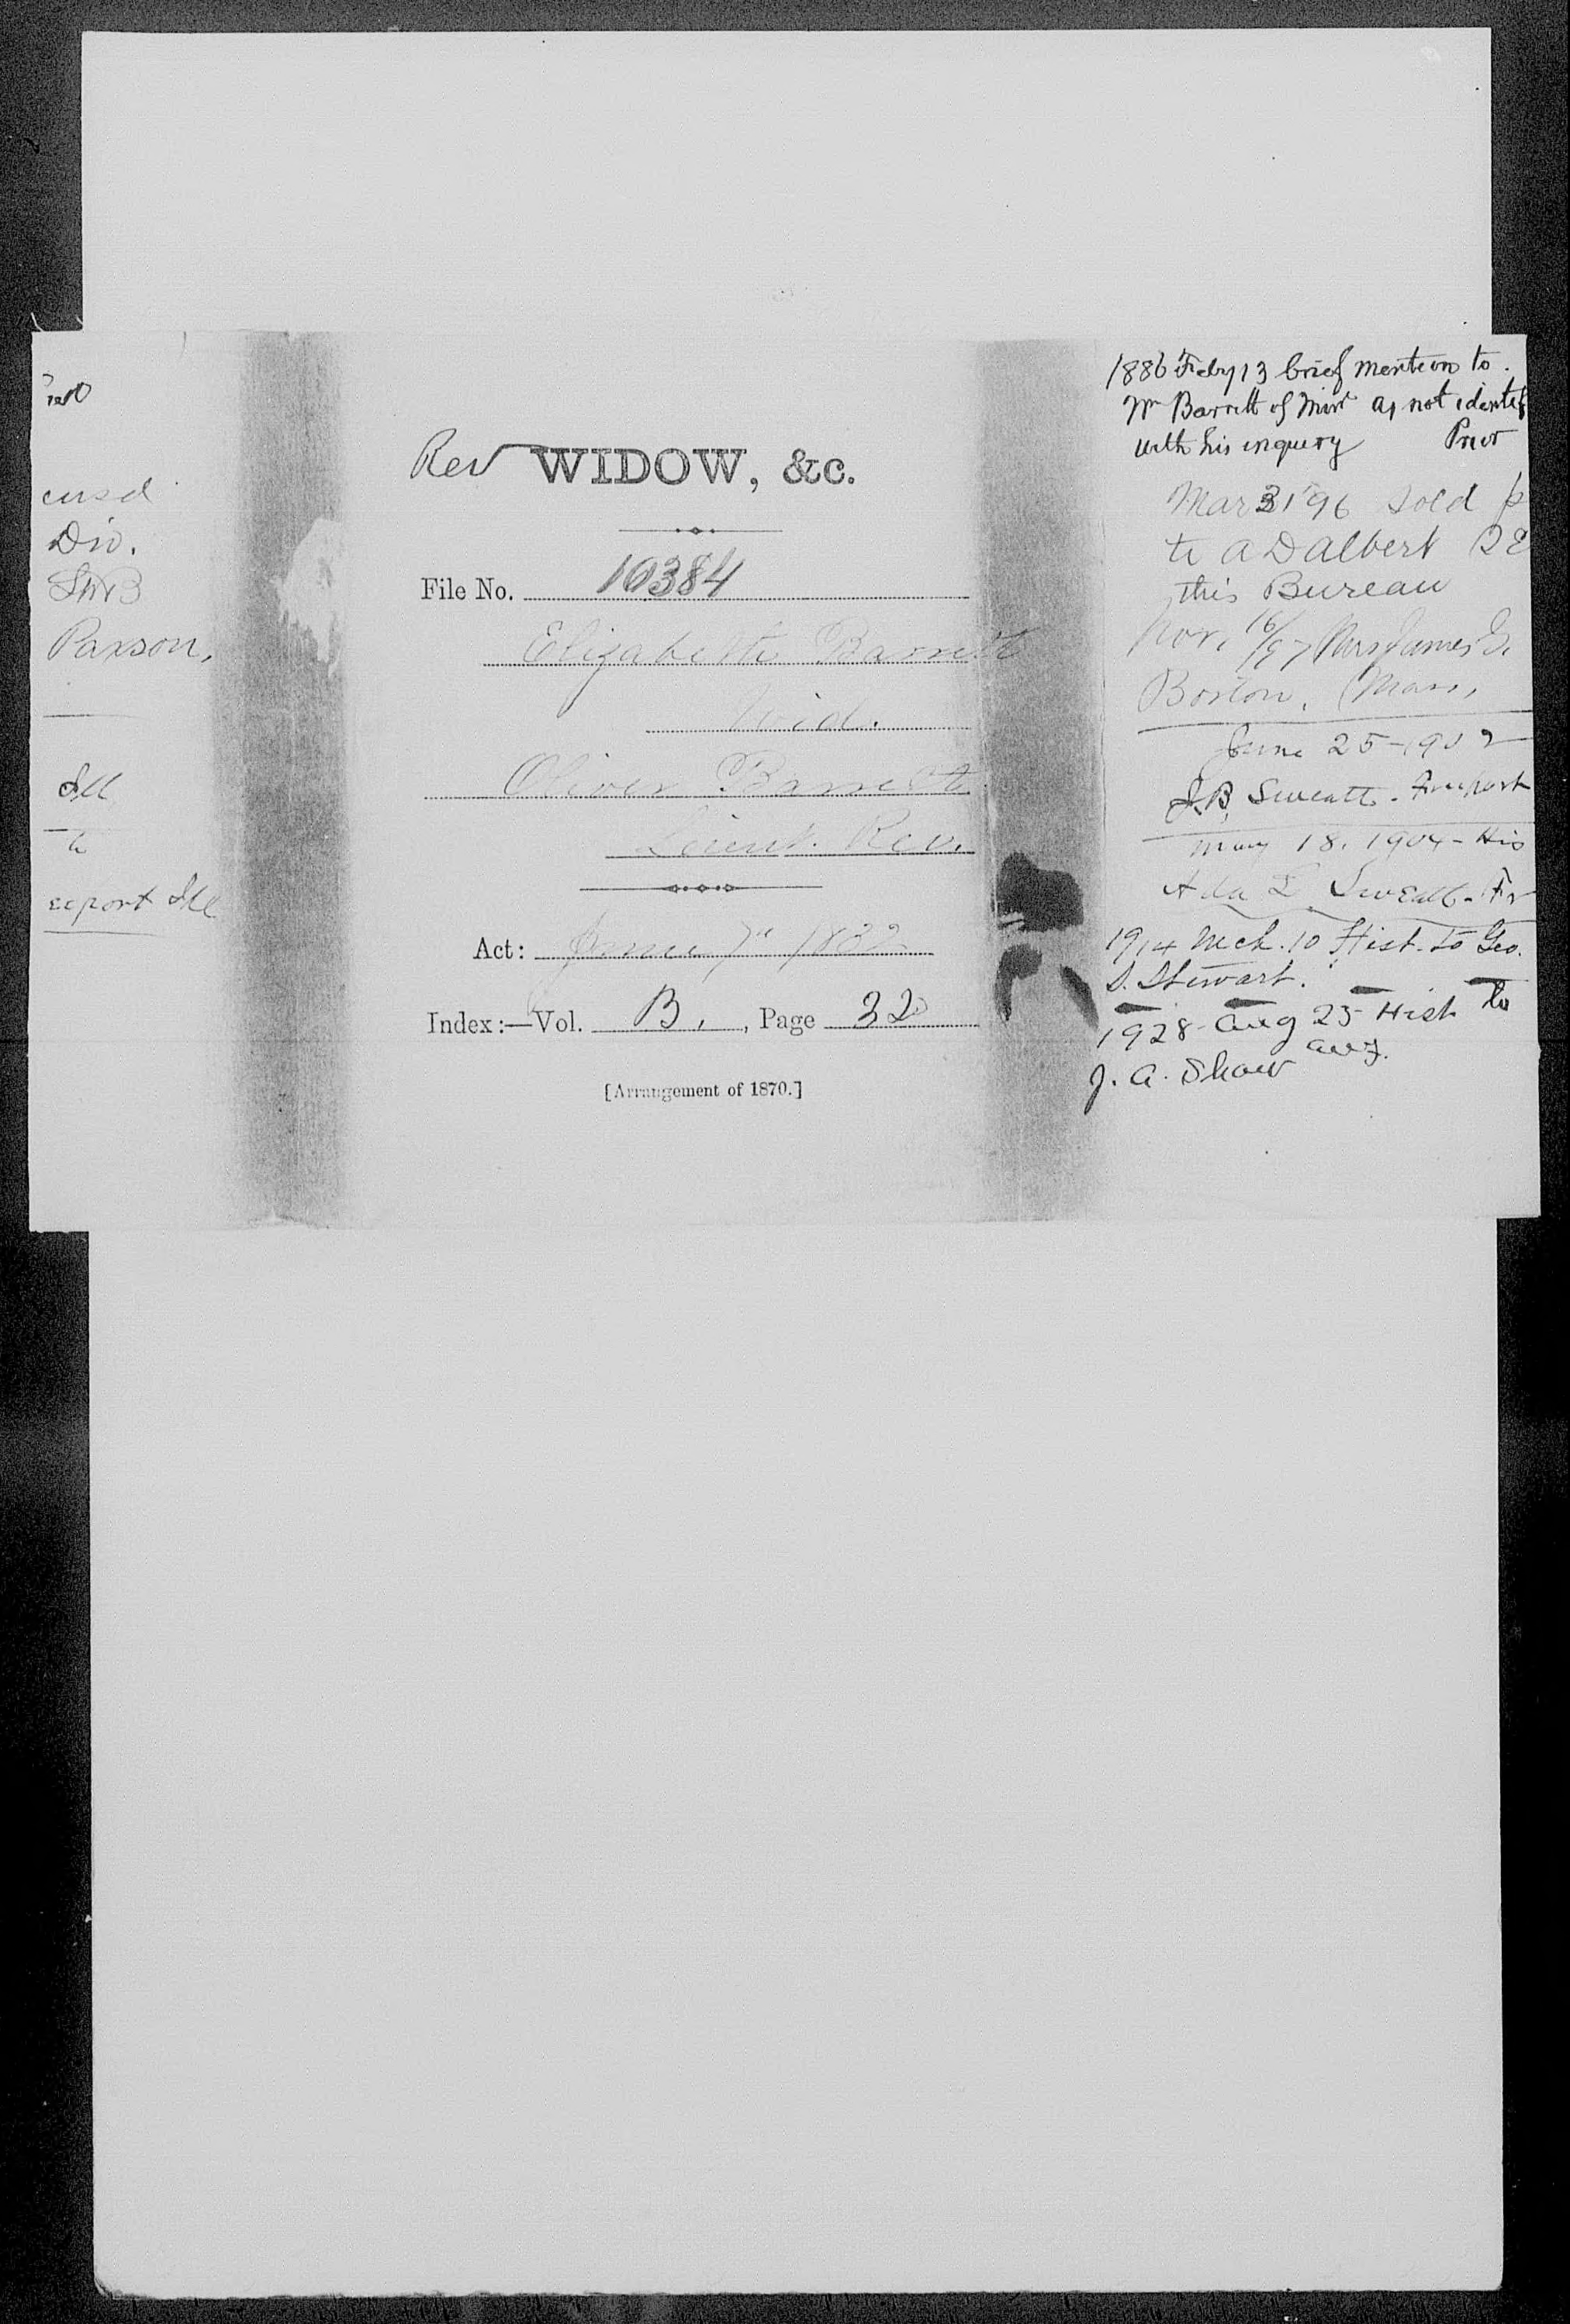Rev Widow & c

File No. 10384
Elizabeth Barrett
wid. 
Oliver Barrett
Lieut. Rev. 

Act: June 7th 1832

Index:- Vol. B., Page 32

Arrangement of 1870.

1886 Feby 13 brief mention of Wm Barrett of Windsor as not identical with his inquiry   Prior
Mar 31 96 sold p to AD Albert se 
this bureau
Por. 16/97 Mrs. James G.
Boston, Mass
 June 25, 1902
JB 
Sweatt, Freeport
May 18, 1094- His
Ada L. Sweatt Fr
1914 Mch 10 Hist Ls Geo
S. Stewart
1928 Aug 23 Hist to
J.A. Shaw Aug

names: Elizabeth Barrett, Geo S Stewart, James G Boston, Ada L Sweatt, J A Shaw, Wm Barrett, Oliver Barrett, J B Sweatt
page: 14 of 83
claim: widow's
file: W. 10,384, Oliver Barrett, Continental (Vt.) N.Y.